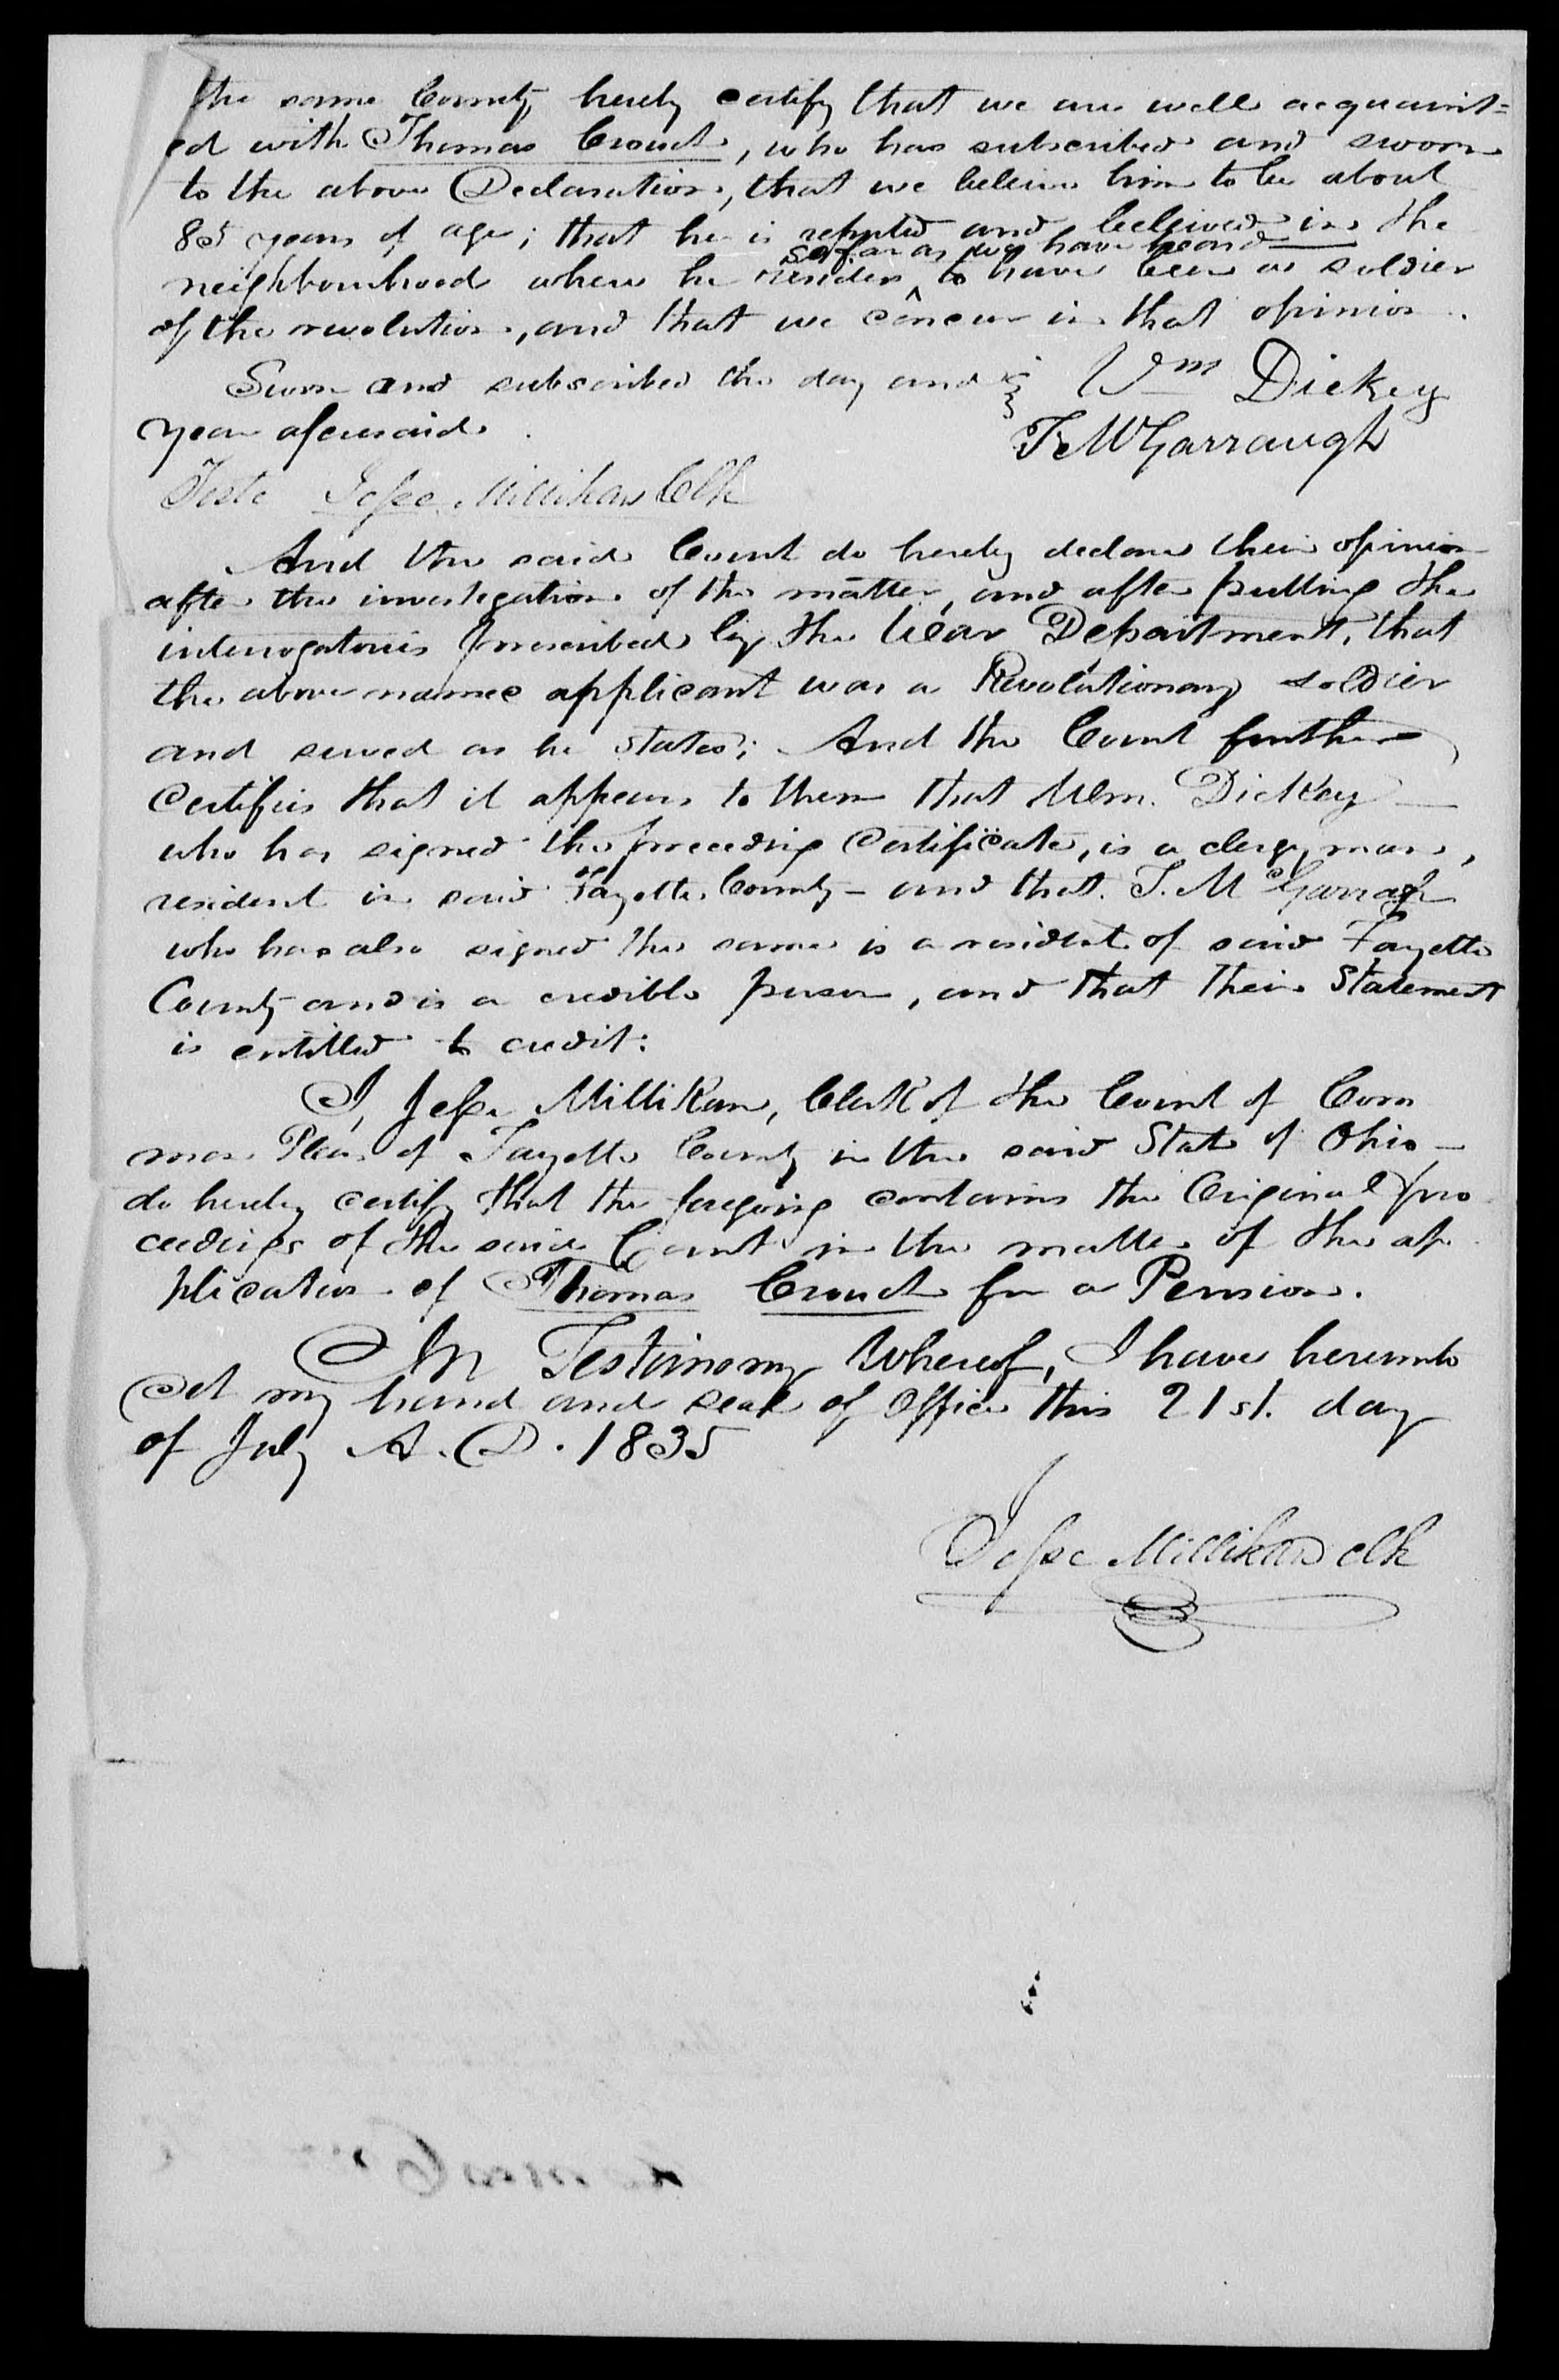the same County hereby certify that we are well acquainted
ed with Thomas Crouch, who has subscribed and sworn
to the above Declaration, that we believe him to be about
85 years of age; that he is reputed and believed in the
neighborhood where he resides [insertedthrough "heard":] so far as we have heard_ to have been a soldier
of the revolution, and that we concur in that opinion

Sworn and subscribed the day and 
year aforesaid⎬
Wm Dickey
T McGarraugh
Teste Jesse Millikan Clk

And the said Court do hereby declare their opinion
after the investigation of the matter, and after pulling the
interrogatories prescribed by the war Department, that the
above name applicant was a Revolutionary soldier
and served as he states. And the Court further
certifies that it appears to them that Wm. Dickey _
who has signed the preceding certificate, is a clergyman
resident in said Fayette County and that T. McGarraugh
who has also signed the same is a resident of said Fayette
County and is a credible person, and that their statement
is entitled to credit
I Jesse Millikan Clerk of the Court of Common
Pleas of Fayette County in the said State of Ohio _
do hereby certify that the foregoing contains the Original 
proceedings of the said Court in the matter of the 
application of Thomas Crouch for a Pension.
In Testimony whereof, I have hereunto
my hand and seal of Office this 21st day
of July A.D. 1835
Jesse Millikan Clk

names: T Mc Garraugh, Jesse Millikan, Thomas Crouch, Wm Dickey, Jesse Millikan, Thomas Crouch, Wm Dickey, Jesse Millikan, T Mc Garraugh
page: 8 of 8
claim: rejected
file: R. 2,533, Thomas Crouch, Md.